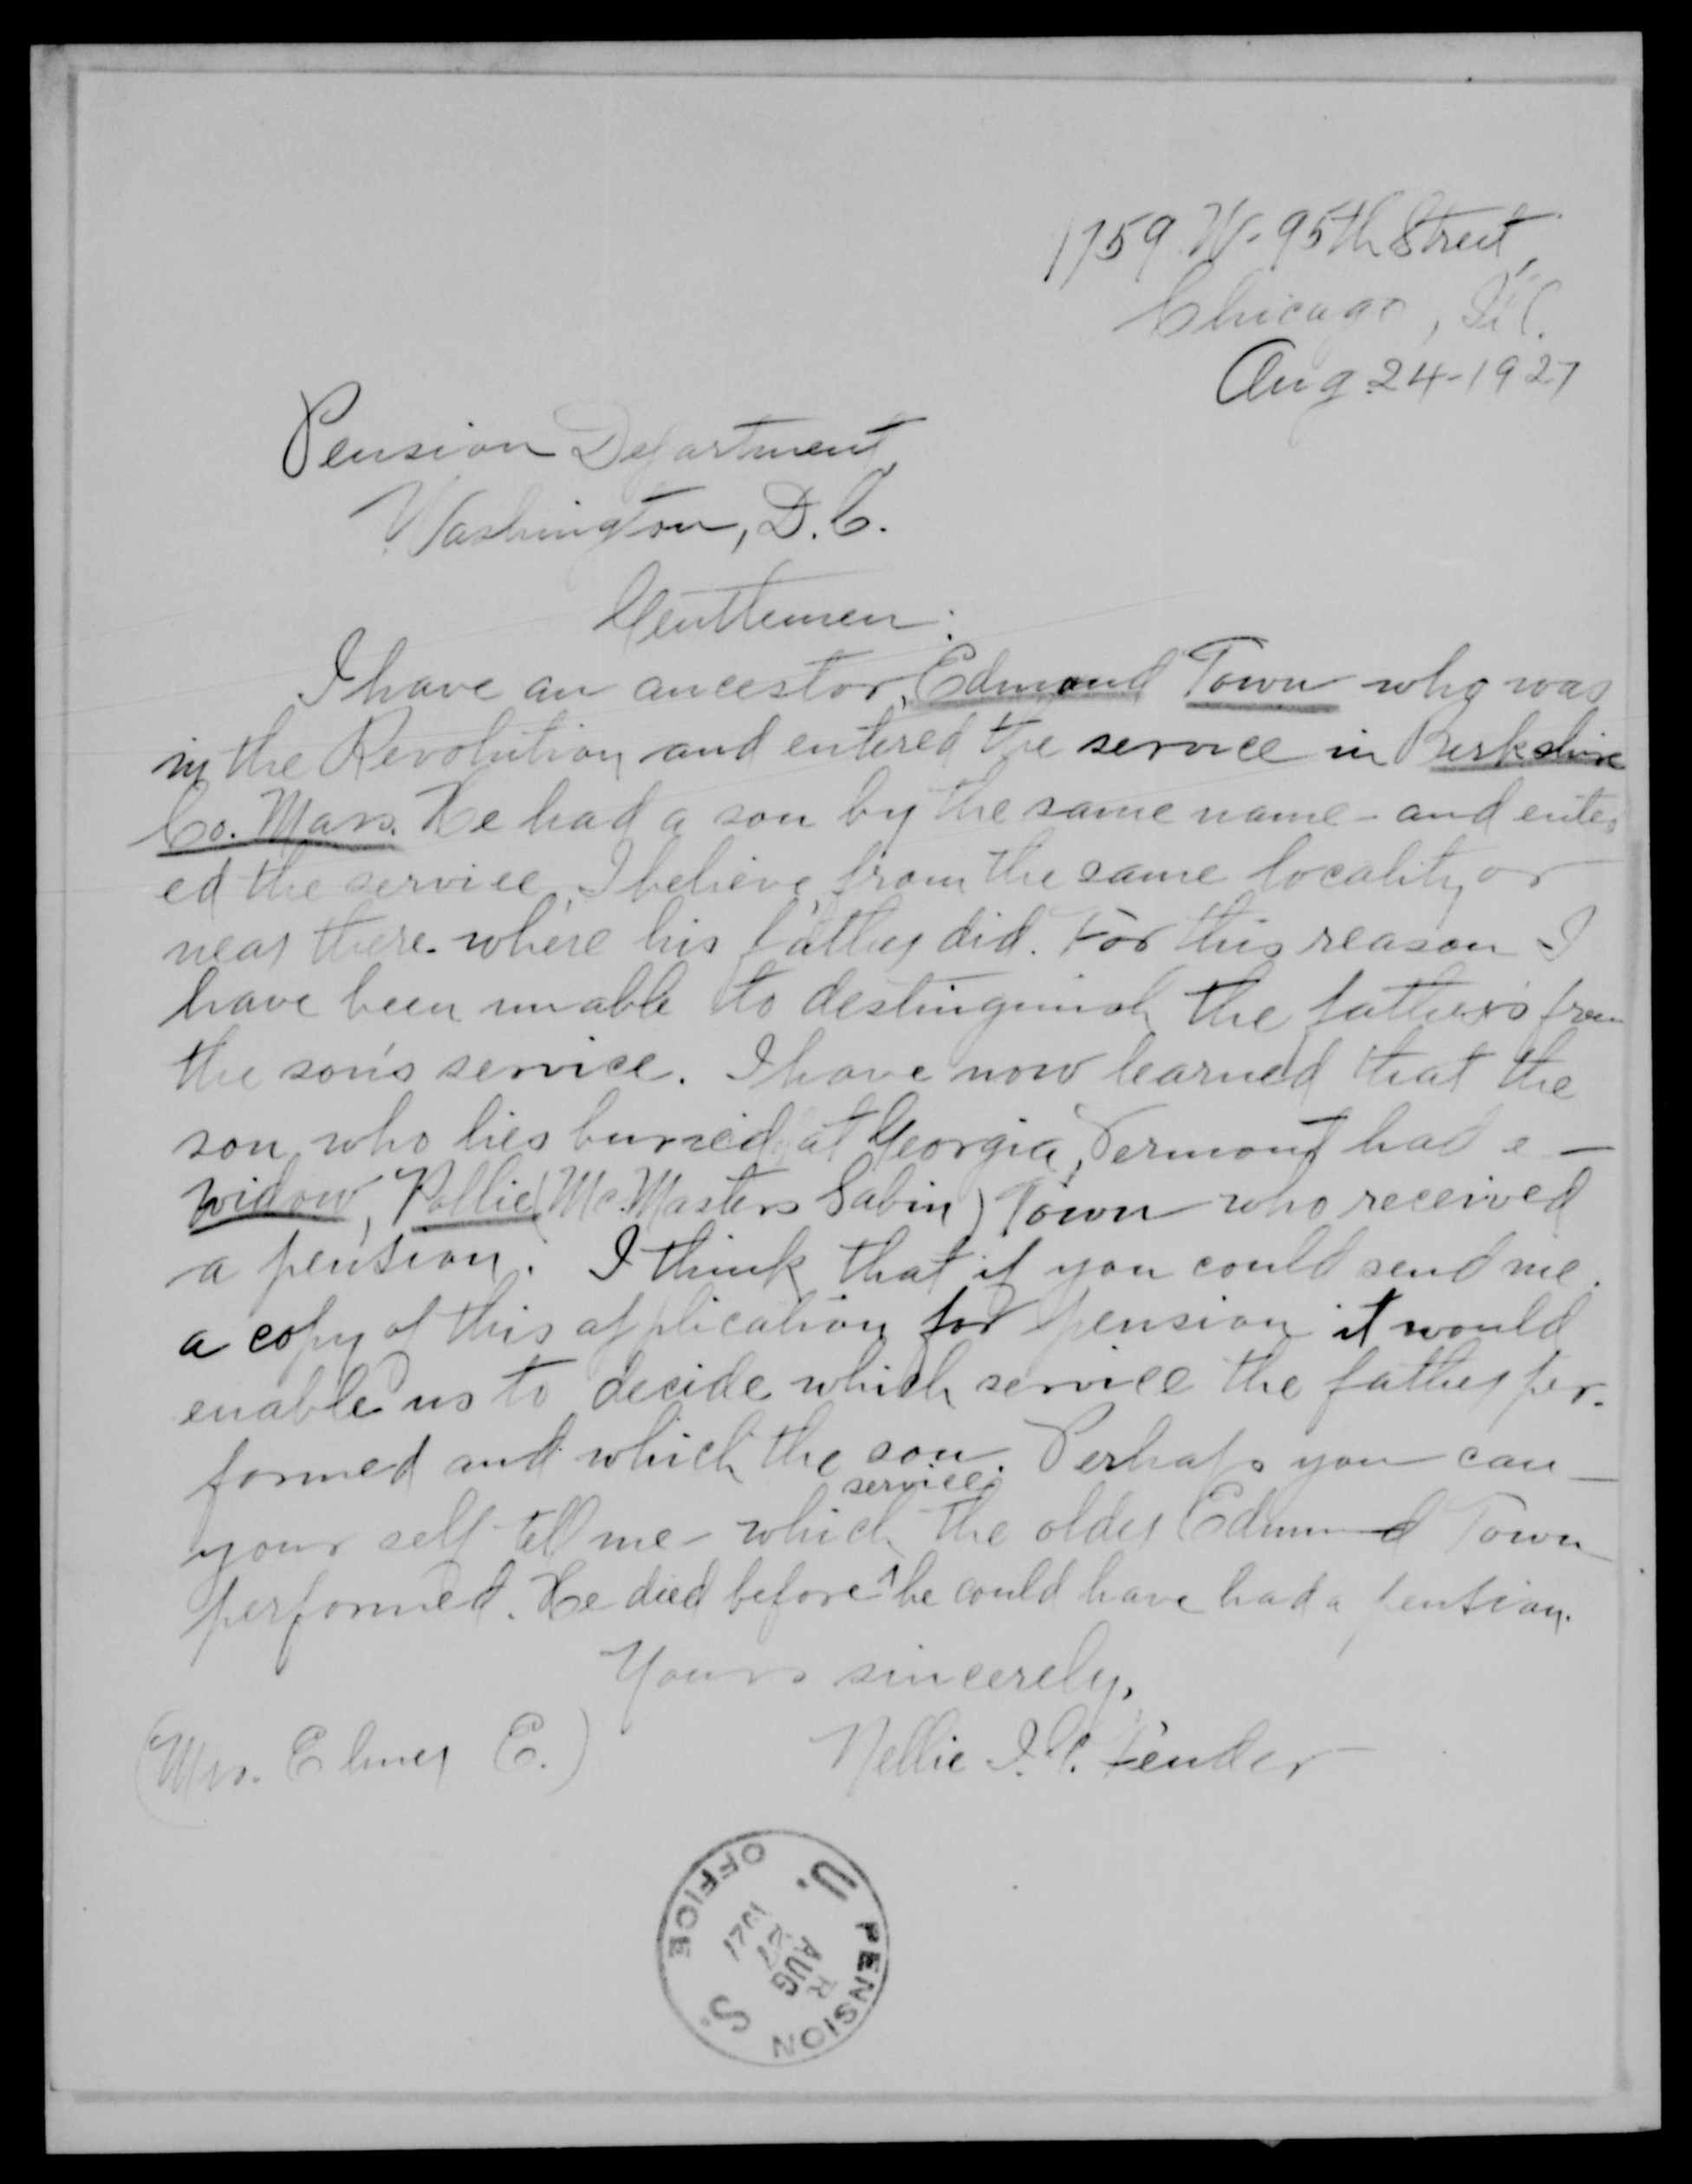1759 W. 95th Street
Chicago, Ill.
Aug. 24, 1927

Pension Department
Washington D. C.
Gentlemen:
I have an ancestor, Edmond Town who was in the Revolution and entered the service in Berkshire Co., Mass. He had a son by the same name and entered the service. I believe from the same locality or near there where his father did. For this reason I have been unable to distinguish the fathers from the son's service. I have now learned that the son who he's buried at Georgia, Vermont had a widow, Pollie (McMasters Sabing) Town who received a pension. I think that if you could send me a copy of this application for pension it would enable us to decide which service the father performed and which the son. Perhaps you can yourself tell me which the older Edmund Town performed. He died before he could have a pension.
Yours sincerely,
Nellie J. G. Fender
(Mrs. Elmer E.)

stamp: U. S. Pension Office R Aug 27, 1927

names: Edmond Town, Edmund Town, Elmer E Fender, Pollie Town, Nellie J G Fender, Pollie Mc Masters Sabin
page: 19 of 64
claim: widow's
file: W. 5831, Edmund Town, Mass.